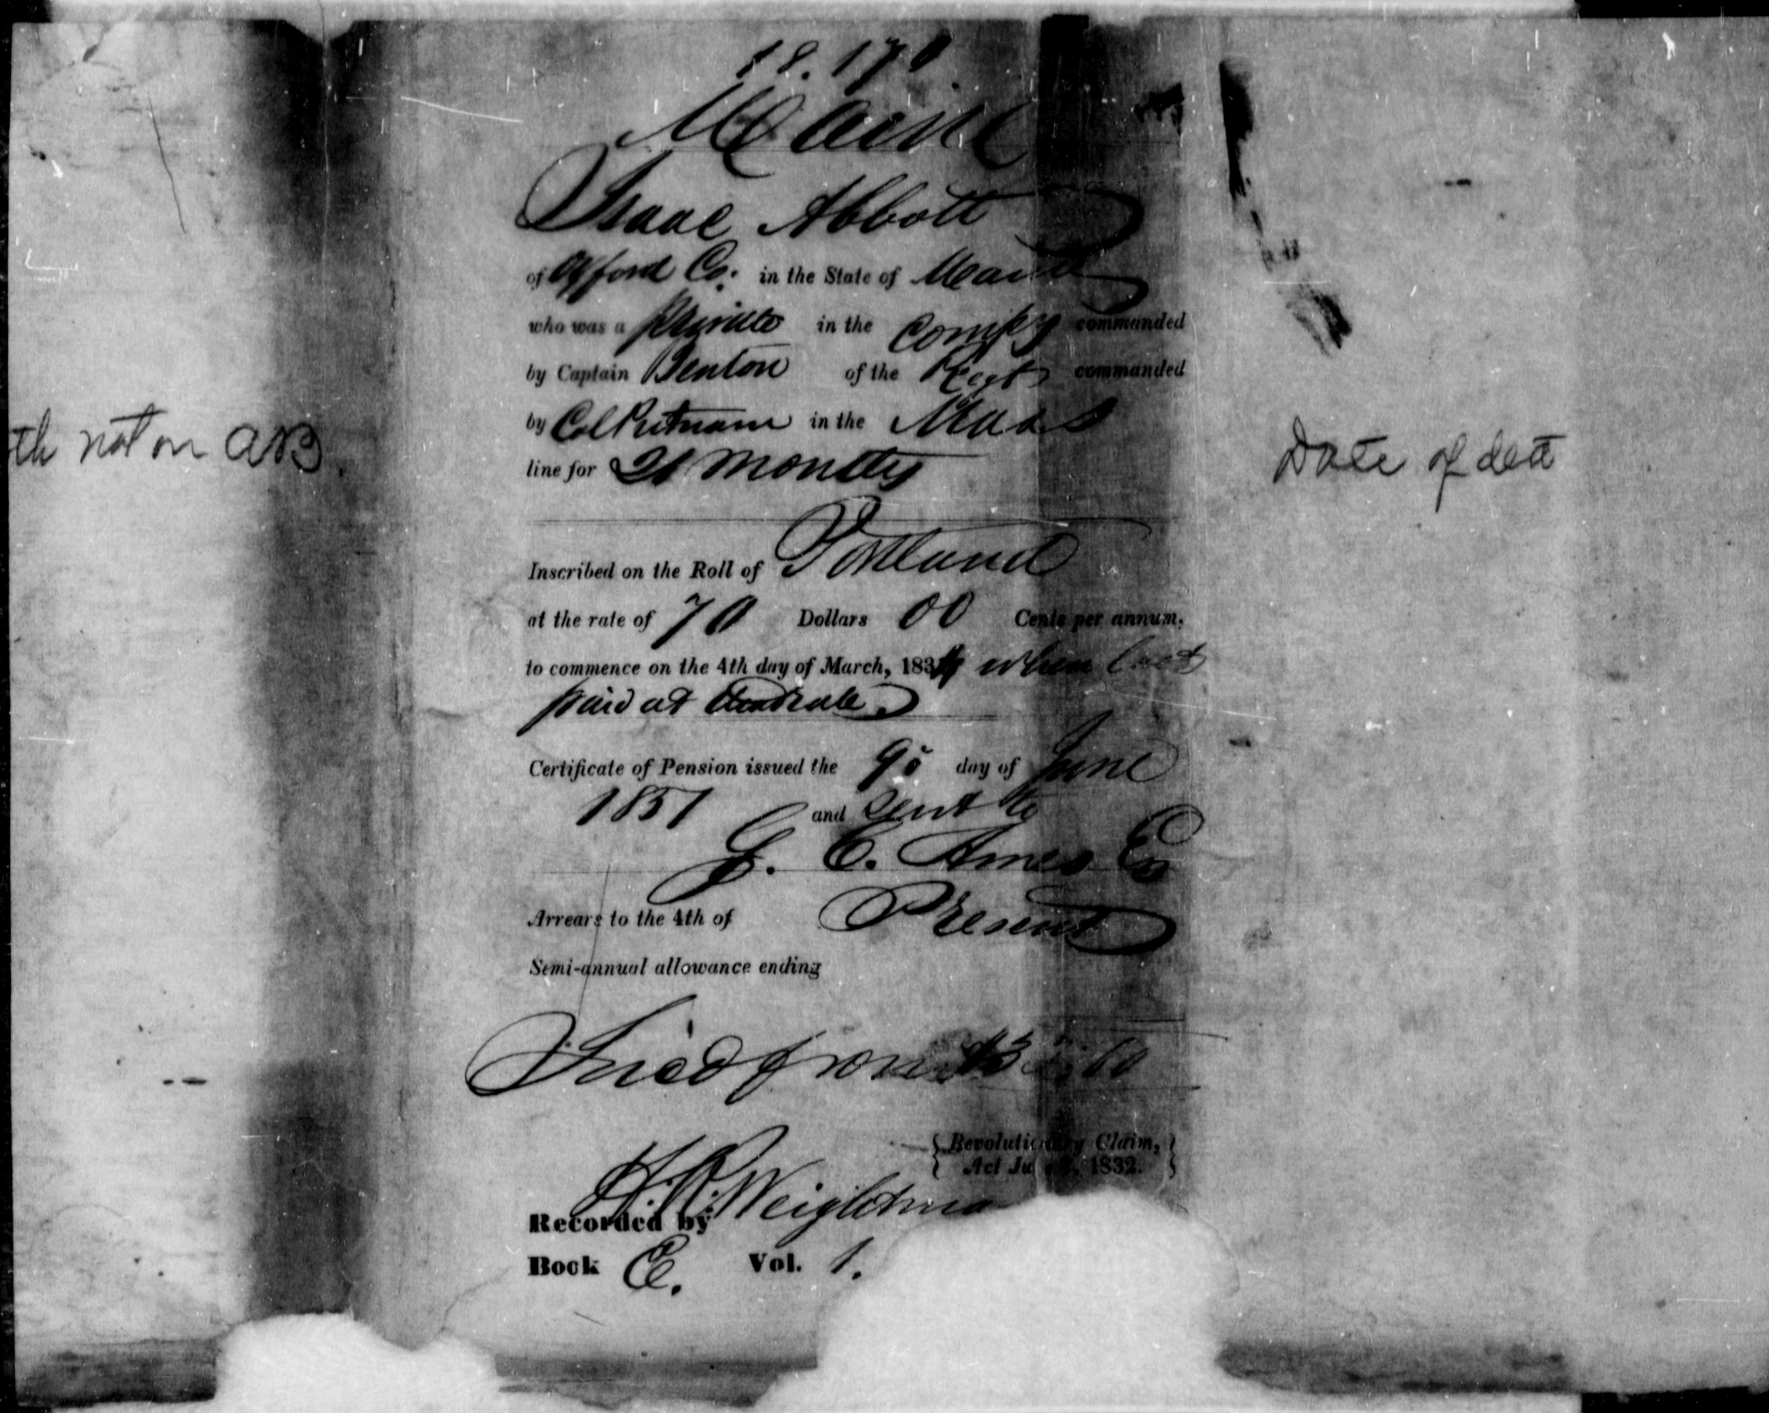18,170
Maine
Isaac Abbott
of Oxford Co: in the State of Maine
who was a private in the compy. commanded
by Captain Benton of the Regt. commanded
by Col. Putnam in the Mass
line for 21 months
====================
Inscribed on the Roll of Portland
at the rate of 70 Dollars 00 Cents annum,
to commence on the 4th day of March, 1834 when last paid at [illegible].
Certificate of Pension issued the 9th day of June 1837 and sent to
G. C. Amos, Esq.
Arrears to the 4th of Present
Semi-annual allowance ending
[illegible]

{Revolutionary Claim,}
{Act June 7, 1832}
Recorded by [SIGNED: H. R. Weightman]
Book E. Vol 1, [CUT OFF]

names: Putnam, Benton, H R Weightman, Isaac Abbott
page: 2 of 86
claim: survivor's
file: S 29,568, Isaac Abbot, Mass